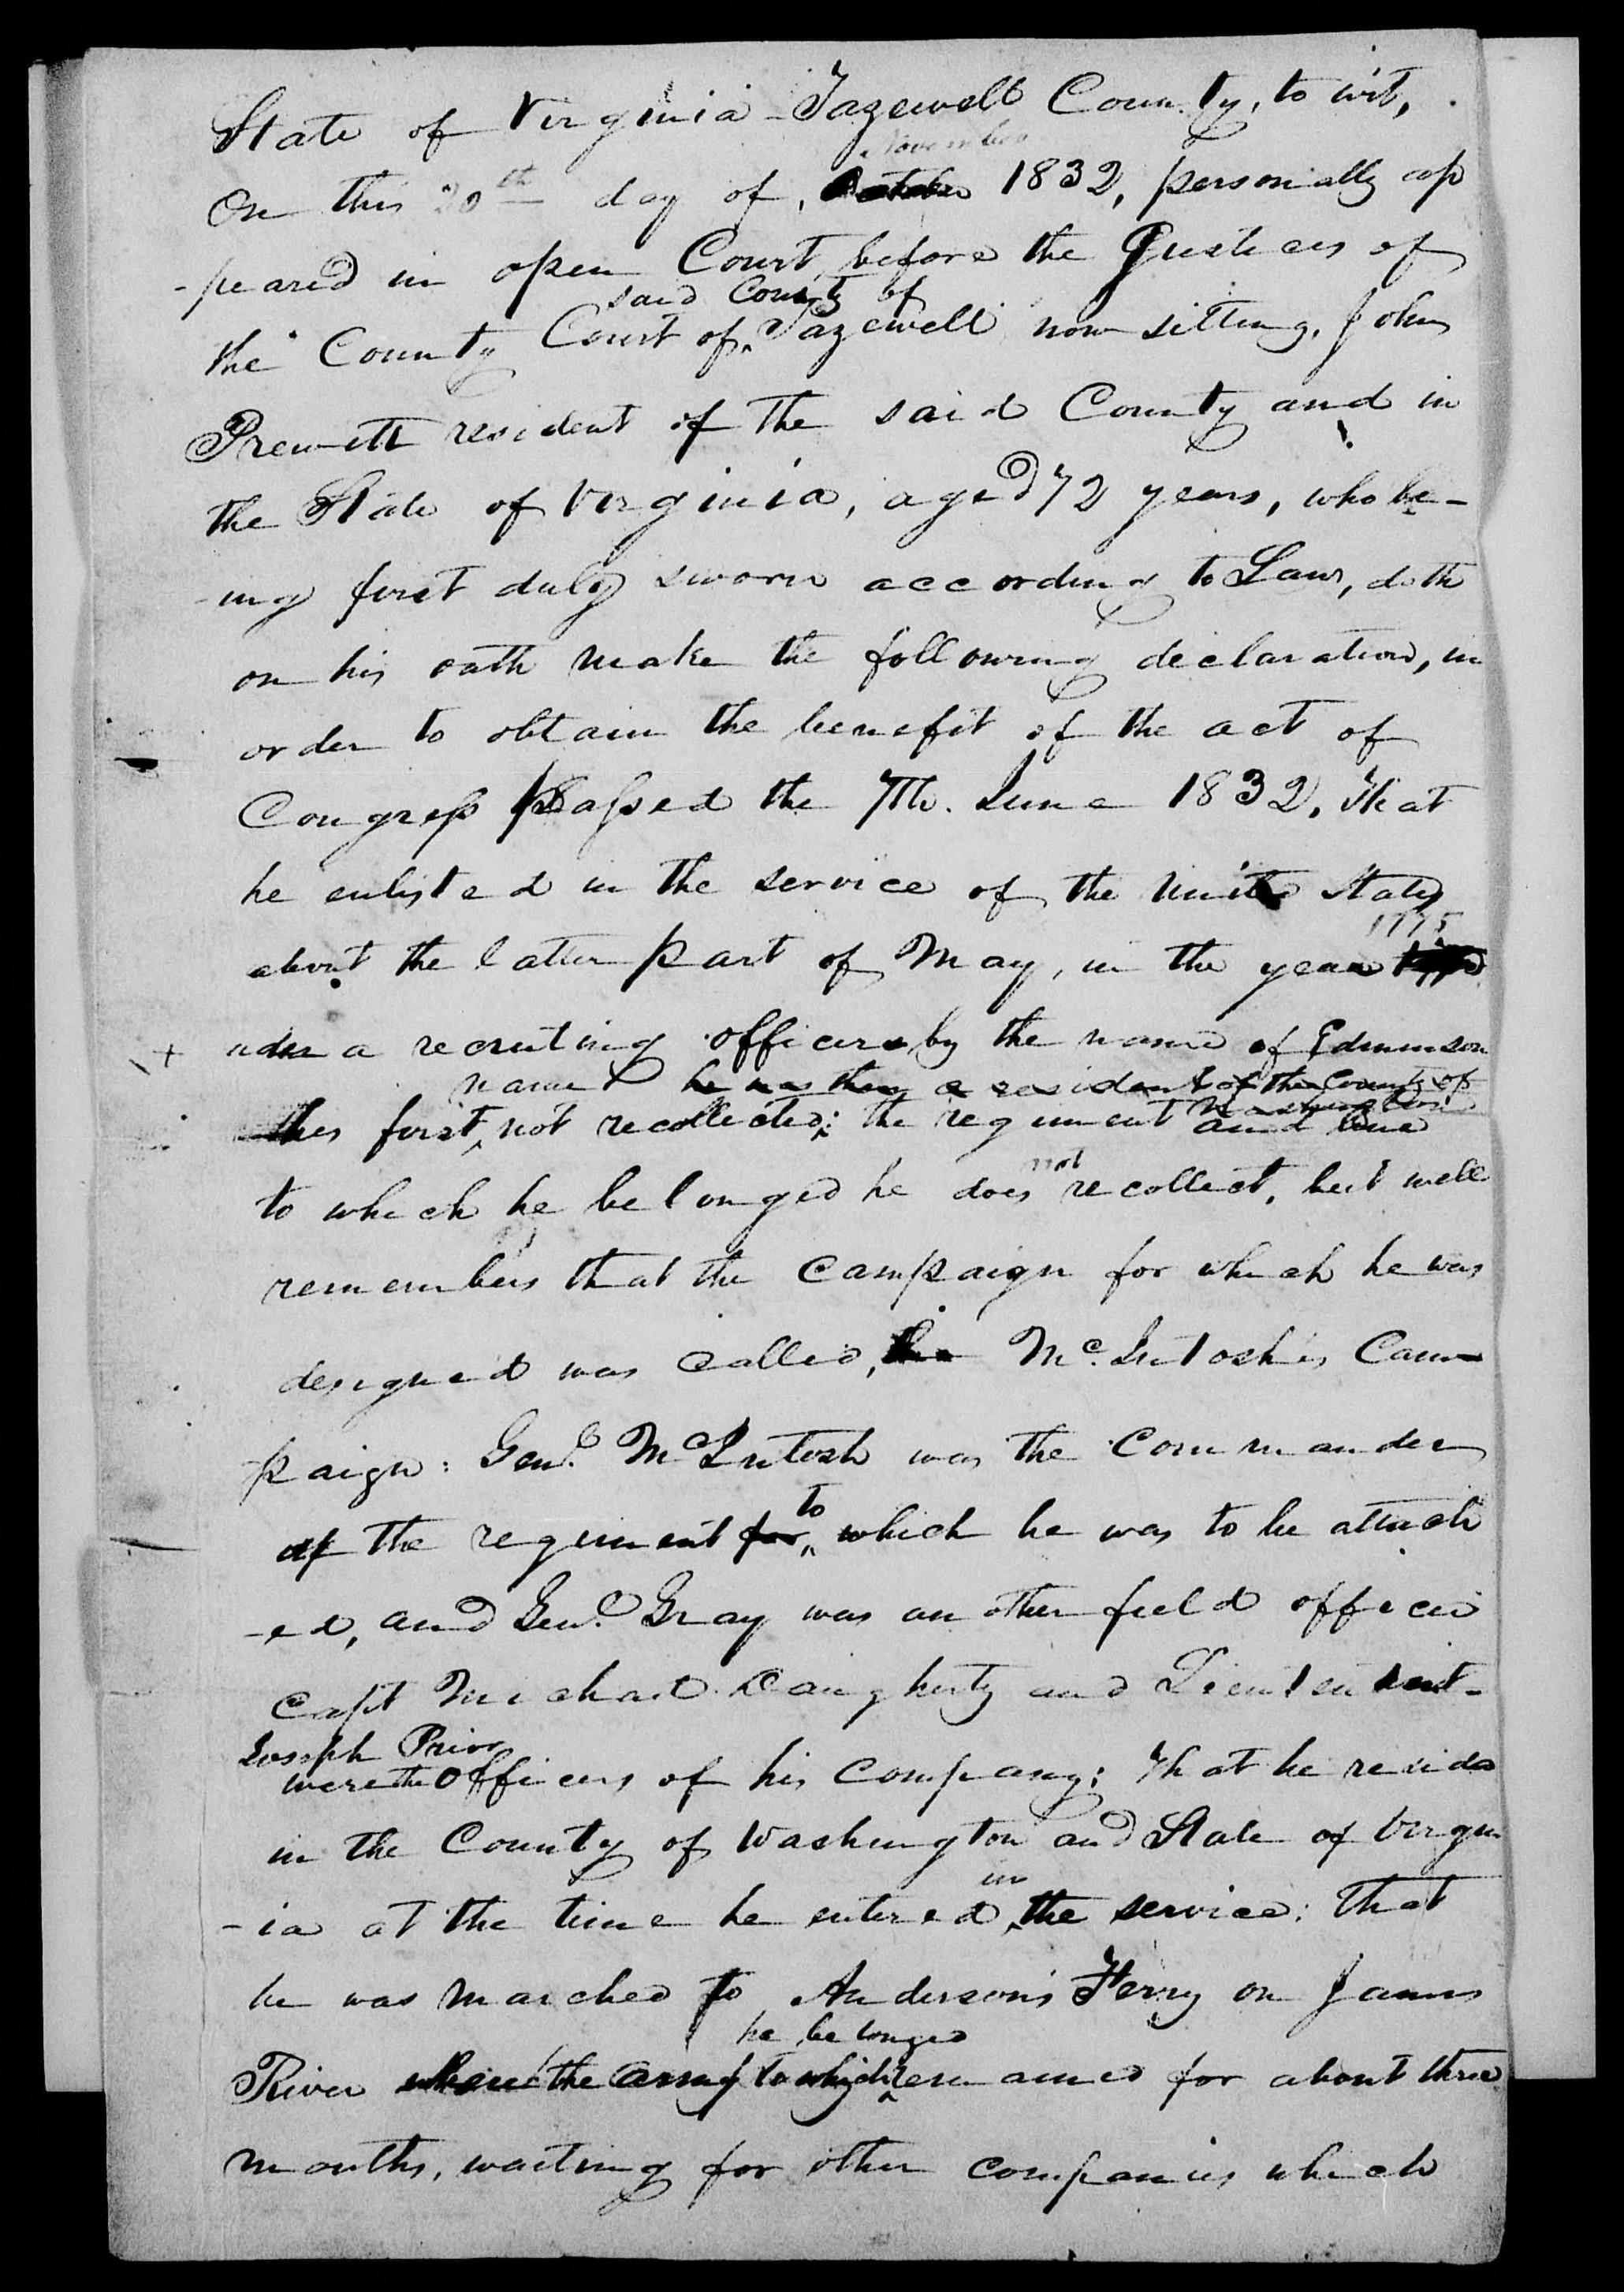State of Virginia--Tazewell County, to wit, On this 20th day of November 1832, personally appeared in open Court before the Justices of the County Court said Court of Tazewell now sitting, John Prewitt resident of the said County and in the State of Virginia, aged 72 years, who being dully sworn according to Law, doth on his oath make the following declaration, in order to obtain the benefit of the act of congress passed the 7th June 1832.  That he enlisted in the service of the United States about the latter part of May, in the year 1775 under a recruiting officer by the name of Edminson, the first name not recalled; he was then a resident of the County of Washington, the regiment and line to which he belonged he does not recollect, but well remembers that the campaign for which he was deployed was called, the McIntosh Campaign.  Genl. McIntosh was the commander of the regiment to which he was to be attached, and Genl. Gray was another field officer Capt Michael Daugherty and Lieutenant Joseph Prior were the officers of his company; That he resides in the County of Washington and State of Virginia at the time he entered in the service' that he was marched to Anderson's Ferry on James River where the camp to which he belonged were [illegible] for about three months, waiting for other companies which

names: Joseph Prior; Michael Daugherty; [BLANK] Mc Intosh; [BLANK] Edminson; John Prewitt; [BLANK] Gray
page: 3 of 35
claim: survivor's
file: S. 30,665, for John Prewett, Virginia